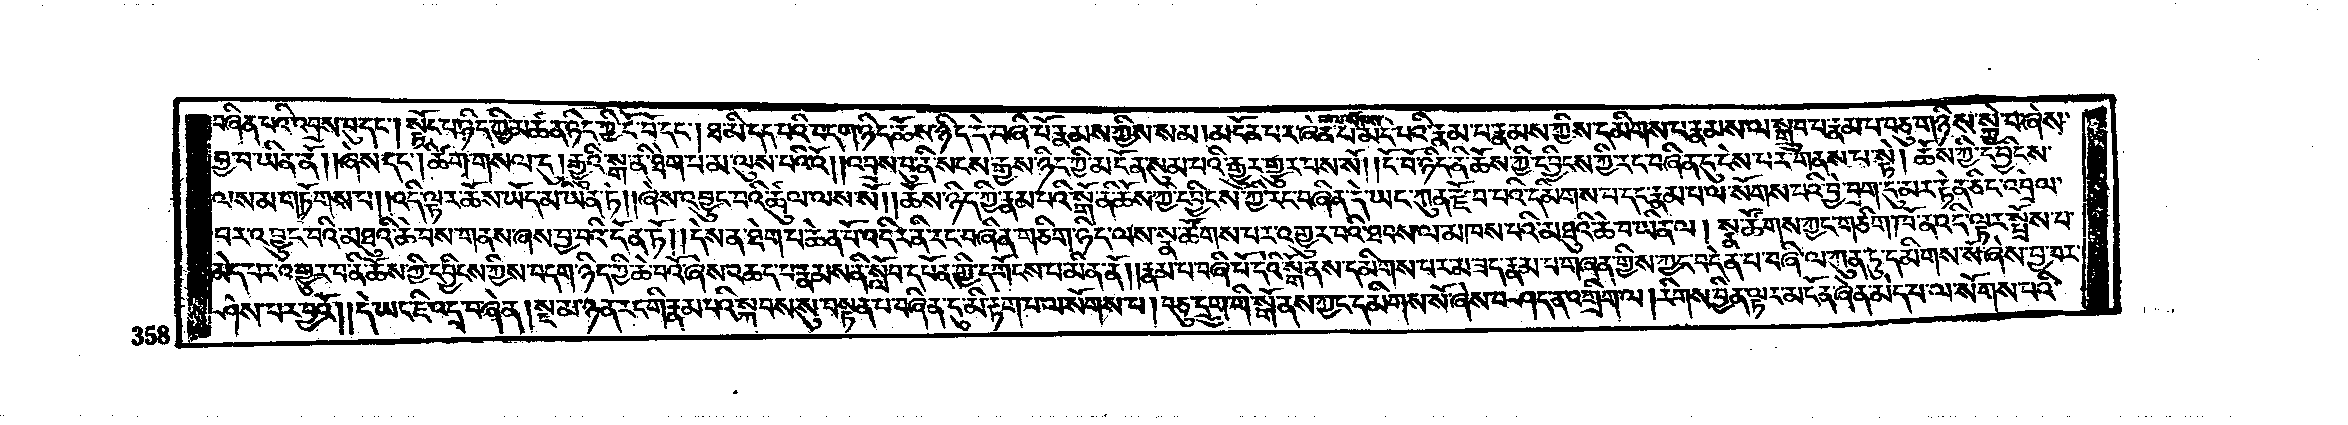བཞིན་པའི་འབྲས་བུ་དང་། སྟོང་པ་ཉིད་ཀྱི་མཚན་ཉིད་ཀྱི་ངོ་བོ་དང་། ཐ་མི་དད་པའི་བདག་ཉིད་ཆོས་ཉིད་དེ་བཞི་པོ་རྣམས་ཀྱིས་སམ། མངོན་པར་ཞེན་པ་ལ་སོགས་པ་མེད་པའི་རྣམ་པ་རྣམས་ཀྱིས་དམིགས་པ་རྣམས་ལ་སྒྲུབ་པ་རྣམ་པ་བཅུ་གཉིས་སྐྱེ་བ་ཞེས་
བྱ་བ་ཡིན་ནོ། །ཞེས་དང་། ཚིག་གསལ་དུ། རྒྱུའི་སྒོ་ནི་ཐེག་པ་མ་ལུས་པའི་འོ། །འབྲས་བུ་ནི་སངས་རྒྱས་ཉིད་ཀྱི་མངོན་སུམ་པའི་རྒྱུར་གྱུར་པས་སོ། །ངོ་བོ་ཉིད་ནི་ཆོས་ཀྱི་དབྱིངས་ཀྱི་རང་བཞིན་དུ་ངེས་པར་གནས་པ་སྟེ། ཆོས་ཀྱི་དབྱིངས་
ལས་མ་གཏོགས་པ། །འདི་ལྟར་ཆོས་ཡོད་མ་ཡིན་ཏེ། །ཞེས་འབྱུང་བའི་ཚུལ་ལས་སོ། །ཆོས་ཉིད་ཀྱི་རྣམ་པའི་སྒོ་ནི་ཆོས་ཀྱི་དབྱིངས་ཀྱི་རང་བཞིན་དེ་ཡང་ཀུན་རྫོབ་པའི་དམིགས་པ་དང་རྣམ་པ་ལ་སོགས་པའི་བྱེ་བྲག་དུ་མར་རྟེན་ཅིང་འབྲེལ་
པར་འབྱུང་བའི་མཐུའི་ཆེ་བས་གནས་ཞས་བྱ་བའི་དོན་ཏོ། །དེས་ན་ཐེག་པ་ཆེན་པོ་འདིར་ནི་རང་བཞིན་གཅིག་ཉིད་ལས་སྣ་ཚོགས་པར་འགྱུར་བའི་ཐབས་ལ་མཁས་པའི་མཐུའི་ཆེ་བ་ཡིན་ལ། སྣ་ཚོགས་ཀྱང་གཅིག་ཁོ་ན་འདི་ལྟར་སྤྲོས་པ་
མེད་པར་འགྱུར་བ་ནི་ཆོས་ཀྱི་དབྱིངས་ཀྱིས་བདག་ཉིད་ཀྱི་ཆེ་བའོ་ཞེས་འཆད་པ་རྣམས་ནི་སློབ་དཔོན་གྱི་དགོངས་པ་མིན་ནོ། །རྣམ་པ་བཞི་པོ་དེའི་སྒོ་ནས་དམིགས་པར་མ་ཟད་རྣམ་པ་གཞན་གྱིས་ཀྱང་བདེན་པ་བཞི་ལ་ཀུན་ཏུ་དམིགས་སོ་ཞེས་བྱ་བར་
ཤེས་པར་བྱའོ། །དེ་ཡང་ཇི་འདྲ་བ་ཞེ་ན། སྔ་མ་ཉན་རང་གི་རྣམ་པའི་སྐབས་སུ་བསྟན་པ་བཞིན་དུ་མི་རྟག་པ་ལ་སོགས་པ། བཅུ་དྲུག་གི་སྒོ་ནས་ཀྱང་དམིགས་སོ་ཞེས་བཤད་ན་འགྲིག་ལ། རིགས་བྱིན་ལྟར་མངོན་ཞེན་མེད་པ་ལ་སོགས་པའི་